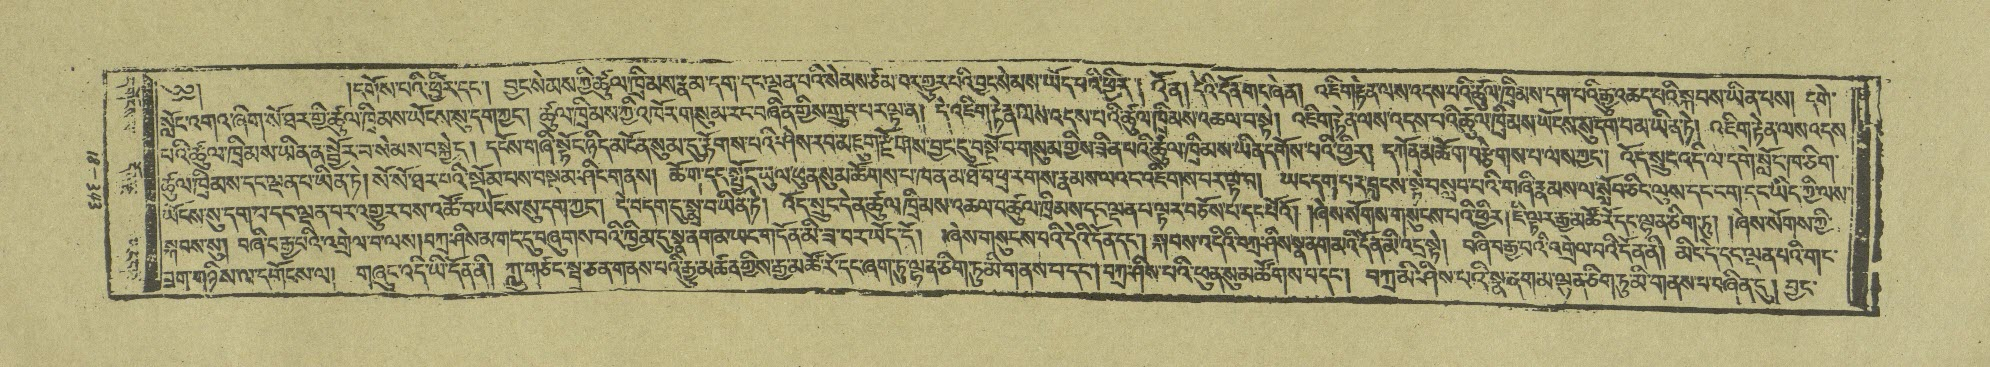༄༅། །དགོས་པའི་ཕྱིར་དང་། བྱང་སེམས་ཀྱི་ཚུལ་ཁྲིམས་རྣམ་དག་དང་ལྡན་པའི་སེམས་ཙམ་པར་གྱུར་བའི་བྱང་སེམས་ཡོད་པའི་ཕྱིར། འོ་ན། དེའི་དོན་གང་ཞེ་ན། འཇིག་རྟེན་ལས་འདས་པའི་ཚུལ་ཁྲིམས་དག་པའི་རྒྱུ་འཆད་པའི་སྐབས་ཡིན་པས། དགེ་
སློང་འགའ་ཞིག་སོ་ཐར་གྱི་ཚུལ་ཁྲིམས་ཡོངས་སུ་དག་ཀྱང་། ཚུལ་ཁྲིམས་ཀྱི་འཁོར་གསུམ་རང་བཞིན་གྱིས་གྲུབ་པར་ལྟ་ན། དེ་འཇིག་རྟེན་ལས་འདས་པའི་ཚུལ་ཁྲིམས་འཆལ་བ་སྟེ། འཇིག་རྟེན་ལས་འདས་པའི་ཚུལ་ཁྲིམས་ཡོངས་སུ་དག་པ་མ་ཡིན་ཏེ། འཇིག་རྟེན་ལས་འདས་
པའི་ཚུལ་ཁྲིམས་ཡིན་ན་སྦྱོར་བ་སེམས་བསྐྱེད། དངོས་གཞི་སྟོང་ཉིད་མངོན་སུམ་དུ་རྟོགས་པའི་ཤེས་རབ་མཇུག་རྫོགས་བྱང་དུ་བསྔོ་བ་གསུམ་གྱིས་ཟིན་པའི་ཚུལ་ཁྲིམས་ཡིན་དགོས་པའི་ཕྱིར། དཀོན་མཆོག་བརྩེགས་པ་ལས་ཀྱང་། འོད་སྲུང་འདི་ལ་དགེ་སློང་ཁ་ཅིག་
ཚུལ་ཁྲིམས་དང་ལྡན་པ་ཡིན་ཏེ། སོ་སོ་ཐར་བའི་སྡོམ་པས་བསྔམ་ཤིང་གནས། ཆོ་ག་དང་སྤྱོད་ཡུལ་ཕུན་སུམ་ཚོགས་པ་ཁ་ན་མ་ཐོ་བ་ཕྲ་རགས་རྣམས་ལའང་འཇིགས་པར་ལྟ་བ། ཡང་དག་པར་བླངས་སྟེ་བསླབ་པའི་གཞི་རྣམས་ལ་སློབ་ཅིང་ལུས་དང་ངག་དང་ཡིད་ཀྱི་ལས་
ཡོངས་སུ་དག་པ་དང་ལྡན་པར་འགྱུར་པས་འཚོ་བ་ཡོངས་སུ་དག་ཀྱང་། དེ་བདག་དུ་སྨྲ་བ་ཡིན་ཏེ། འོད་སྲུང་དེ་ན་ཚུལ་ཁྲིམས་འཆལ་བ་ཚུལ་ཁྲིམས་དང་ལྡན་པ་ལྟར་བཅོས་པ་དང་པོའོ། །ཞེས་སོགས་གསུངས་པའི་ཕྱིར། ཇི་ལྟར་རྒྱ་མཚོ་རོ་དང་ལྷན་ཅིག་ཏུ། །ཞེས་སོགས་ཀྱི་
སྐབས་སུ། བཞི་བརྒྱ་བའི་འགྲེལ་བ་ལས། བཀྲ་ཤིས་མ་གང་དུ་བཞུགས་པའི་ཁྱིམ་དུ་སྣ་ནག་མ་ཡང་གདོན་མི་ཟ་བར་ཡོད་དོ། །ཞེས་གསུངས་པའི་དེའི་དོན་དང་། སྐབས་འདིའི་བཀྲ་ཤིས་སྣ་ནག་མའི་དོན་མི་འདྲ་སཏ།ཨེ་བཞི་བརྒྱ་བའི་འགྲེལ་བའི་དོན་ནི། མིང་དེ་དང་ལྡན་པའི་གང་
ཟག་གཉིས་ལ་དགོངས་ལ། གཞུང་འདི་ཡི་དོན་ནི། ཀླུ་གཙང་སྦྲ་ཅན་གནས་པའི་རྒྱུ་མཚན་གྱིས་རྒྱ་མཚོ་རོ་དང་ཞག་ཏུ་ལྷན་ཅིག་ཏུ་མི་གནས་པ་དང་། བཀྲ་ཤིས་པའི་ཕུན་སུམ་ཚོགས་པ་དང་། བཀྲ་མི་ཤིས་པའི་སྣ་ནག་མ་ལྷན་ཅིག་ཏུ་མི་གནས་པ་བཞིན་དུ། བྱང་